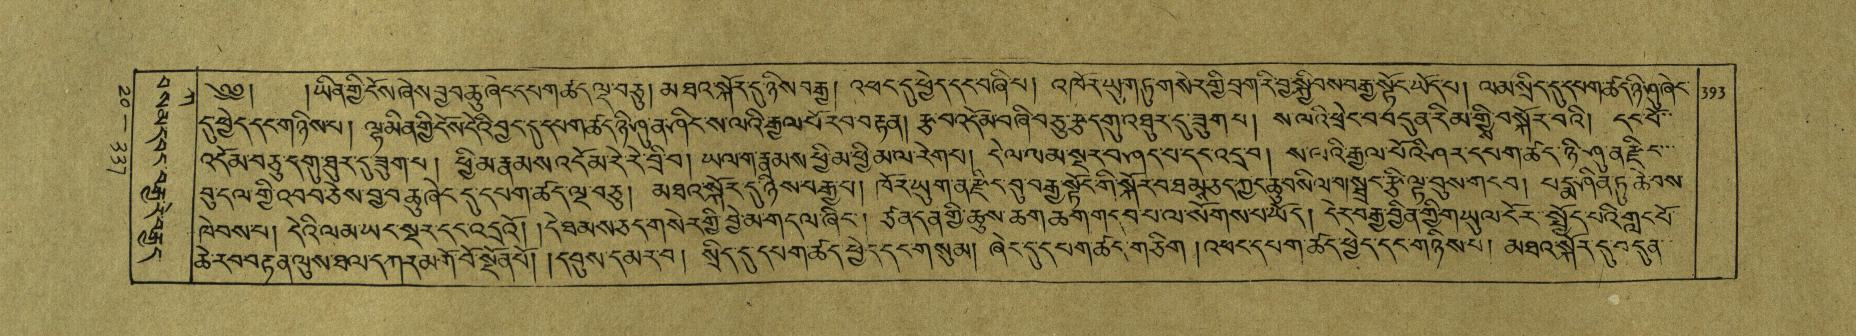༄༅། །ཡིན་གྱི་ངོས་ཞེས་བྱ་བ་ཆུ་ཞེང་དཔག་ཚད་ལྡ་བཅུ། མཐའ་སྐོར་དུ་ཉིས་བརྒྱ། འཕང་དུ་ཕྱེད་དང་བཞི་པ། འཁོར་ཡུག་ཏུ་གསེར་གྱི་བྲག་རི་བྱ་སྐྱིབས་བརྒྱ་སྟོང་ཡོད་པ། ལམ་སྲིད་དུ་དཔག་ཚད་ཉི་ཤུ་ཞེང་
དུ་ཕྱེད་དང་གཉིས་པ། ལྷ་མིན་གྱི་ངོས་དེའི་བྱང་དུ་དཔག་ཚད་ཉི་ཤུ་ན་ཤིང་ས་ལའི་རྒྱལ་པོ་རབ་བརྟན། རྩ་བ་འདོམ་བཞི་བཅུ་རྩ་དགུ་འཐུར་དུ་ཟུག་པ། ས་ལའི་ཕྲེང་བ་བདུན་རིམ་གྱིས་བསྐོར་བའི། དང་པོ་
འདོམ་བཅུ་དགུ་ཐུར་དུ་ཟུག་པ། ཕྱི་མ་རྣམས་འདོམ་རེ་རེ་བྲི་བ། ཡལ་ག་རྣམས་ཕྱི་མ་ཕྱི་མ་ལ་རེག་པ། དེ་ལ་ལམ་སྔར་བཤད་པ་དང་འདྲ་བ། ས་ལའི་རྒྱལ་པོའི་ཤར་དཔག་ཚད་ཉི་ཤུ་ན་རྫིང་
བུ་དལ་གྱི་འབབ་ཅེས་བྱ་བ་ཆུ་ཞེང་དུ་དཔག་ཚད་ལྔ་བཅུ། མཐའ་སྐོར་དུ་ཉིས་བརྒྱ་པ། ཁོར་ཡུག་ན་རྫིང་བུ་བརྒྱ་སྟོང་གི་སྐོར་བ་ཐམས་ཅད་ཀྱང་ཆུ་བསིལ་བ། སྦྲང་རྩི་ལྟ་བུས་གང་བ། པདམ་ཤིན་ཏུ་ཆེ་བས་
ཁེབས་པ། དེའི་ལམ་ཡང་སྔར་དང་འདྲའོ། །དེ་ཐམས་ཅད་གསེར་གྱི་བྱེ་མ་གདལ་ཞིང་། ཙན་དན་གྱི་ཆུས་ཆག་ཆག་གདབ་པ་ལ་སོགས་པ་ཡོད། དེར་བརྒྱ་བྱིན་གྱི་གཡུལ་ངོར་སྤྱོད་པའི་གླང་པོ་
ཆེ་རབ་བརྟན་ལུས་ཐལ་དཀར་མགོ་བོ་སྔོན་པོ། །དབུས་དམར་བ། སྲིད་དུ་དཔག་ཚད་ཕྱེད་དང་གསུམ། ཞེང་དུ་དཔག་ཚད་གཅིག །འཕང་དཔག་ཚད་ཕྱེད་དང་གཉིས་པ། མཐའ་སྐོར་དུ་བདུན་